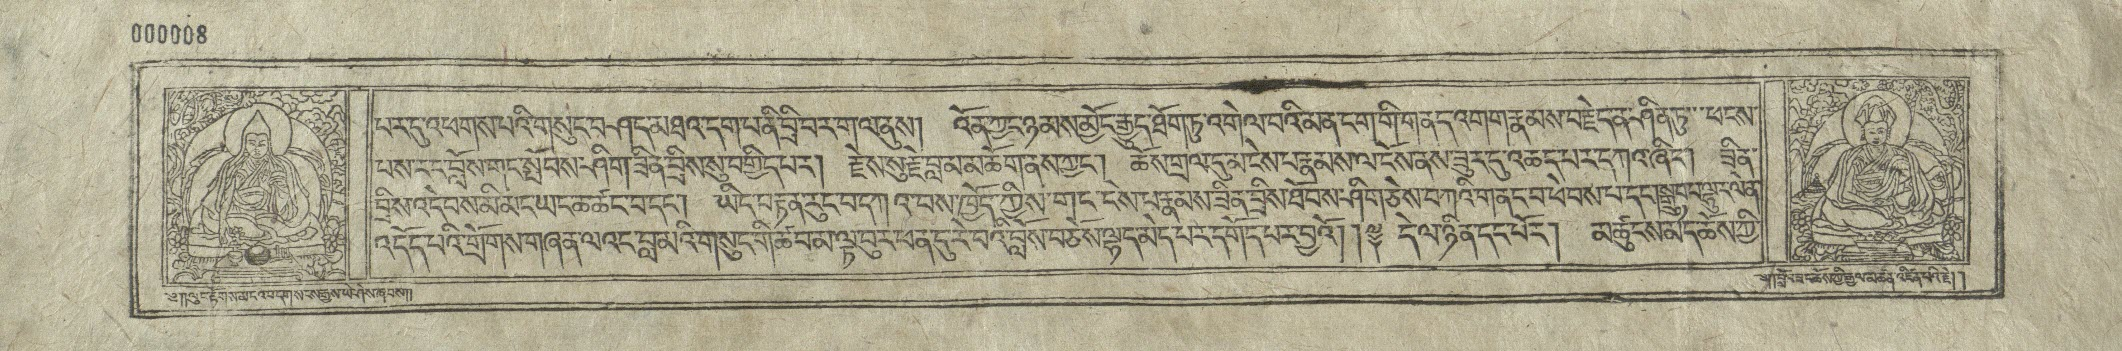་པར་དུ་འཕགས་པའི་གསུང་བཤད་མཐའ་དག་པ་ནི་བྲི་བར་ག་ལ་ནུས། འོན་ཀྱང་ཉམས་མྱོང་རྒྱུད་ཐོག་ཏུ་འགེལ་བའི་མན་ངག་གི་གནད་འགག་རྣམས་བརྗེད་ན་ཤིན་ཏུ་ཕངས་
པས་རང་བློས་གང་སྤོབས་ཤིག་ཟིན་བྲིས་སུ་བགྱིད་པར། རྗེས་སུ་རྗེ་བླ་མ་མཆོག་ནས་ཀྱང་། ཆོས་གྲལ་དུ་མ་ངེས་པ་རྣམས་ལ་ངོས་ནས་ཟུར་དུ་འཆད་པར་དཀའ་ཞིང་། ཟིན་
བྲིས་འདེབས་མི་མང་ཡང་ཆ་ཚང་བ་དང་། ཡིད་བརྟན་རུང་བ་དཀའ་བས་ཁྱོད་ཀྱིས་གང་ངེས་པ་རྣམས་ཟིན་བྲིས་ཐོབས་ཤིག་ཅེས་བཀའི་གནང་བ་ཕེབས་པ་དང་། སྒྲུབ་པ་ལྷུར་ལེན་
འདོད་པའི་གྲོགས་གཞན་ལའང་བླ་མའི་གསུང་གི་ཚབ་མ་ལྟ་བུར་ཕན་དུ་རེ་བའི་བློས་བཅོས་ལྷད་མེད་པར་དགོད་པར་བྱའོ། ། ༈ དེ་ལ་ཉིན་དང་པོར། མཚུངས་མེད་ཆོས་ཀྱི་